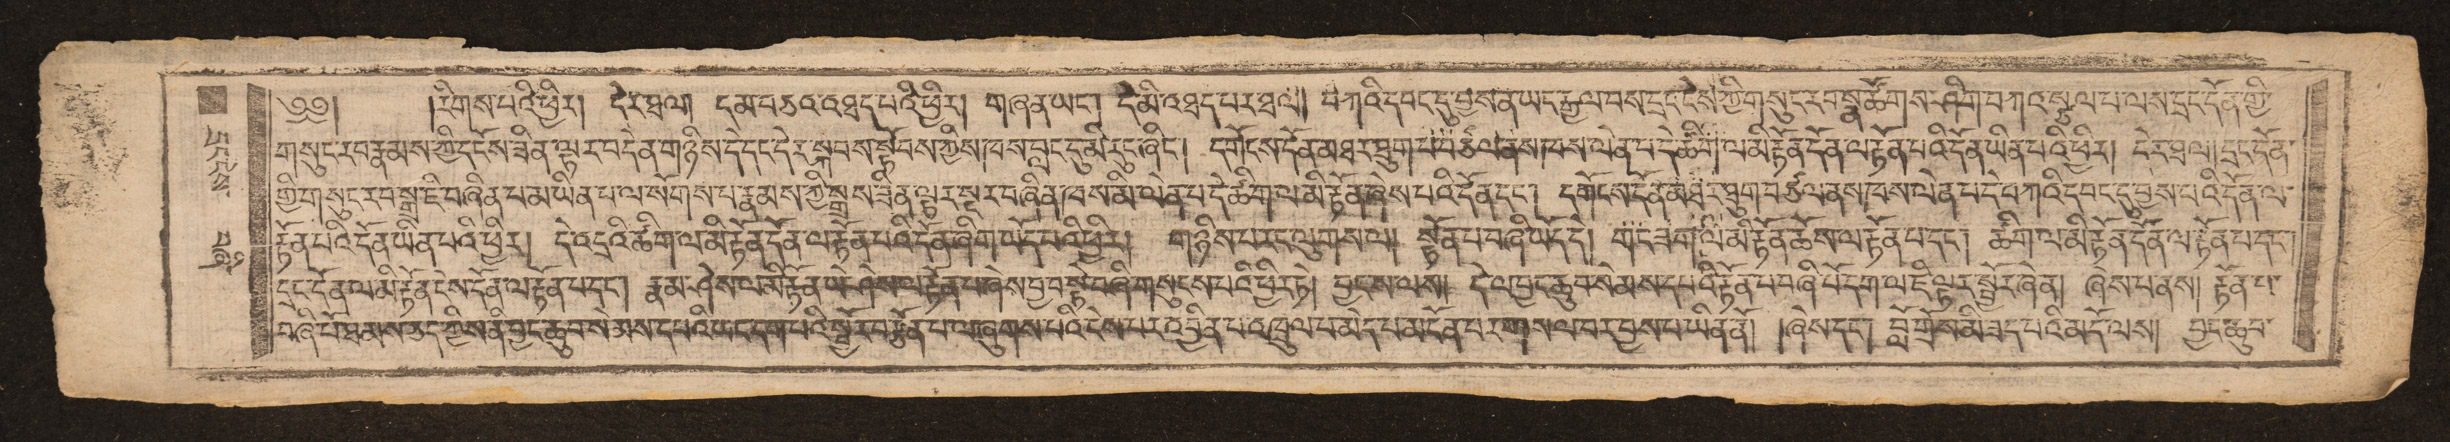༄༅། །རིགས་པའི་ཕྱིར། དེར་ཐལ། དམ་བཅའ་འཐད་པའི་ཕྱིར། གཞན་ཡང་། དེ་མི་འཐད་པར་ཐལ། བཀའི་དབང་དུ་བྱས་ན་ཡང་རྒྱལ་བས་དྲང་ངེས་ཀྱི་གསུང་རབ་སྣ་ཚོགས་ཤིག་བཀའ་སྩལ་པ་ལས་དྲང་དོན་གྱི་
གསུང་རབ་རྣམས་ཀྱི་དངོས་ཟིན་ལྟར་བདེན་གཉིས་དེ་དང་དེར་སྐབས་སྟོབས་ཀྱིས་ཁས་བླང་དུ་མི་རུང་ཞིང་། དགོངས་དོན་མཐར་ཐུག་པ་བཙལ་ནས་ཁས་ལེན་པ་དེ་ཚིག་ལ་མི་རྟོན་དོན་ལ་རྟོན་པའི་དོན་ཡིན་པའི་ཕྱིར། དེར་ཐལ། དྲང་དོན་
གྱི་གསུང་རབ་སྒྲ་ཇི་བཞིན་པ་མ་ཡིན་པ་ལ་སོགས་པ་རྣམས་ཀྱི་སྒྲས་ཟིན་ལྟར་སྔར་བཞིན་ཁས་མི་ལེན་པ་དེ་ཚིག་ལ་མི་རྟོན་ཞེས་པའི་དོན་དང་། དགོངས་དོན་མཐར་ཐུག་བཙལ་ནས་ཁས་ལེན་པ་དེ་བཀའི་དབང་དུ་བྱས་པའི་དོན་ལ་
རྟོན་པའི་དོན་ཡིན་པའི་ཕྱིར། དེ་འདྲའི་ཚིག་ལ་མི་རྟོན་དོན་ལ་རྟོན་པའི་དོན་ཞིག་ཡོད་པའི་ཕྱིར། གཉིས་པ་རང་ལུགས་ལ། སྟོན་པ་བཞི་ཡོད་དེ། གང་ཟག་ལ་མི་རྟོན་ཆོས་ལ་རྟོན་པ་དང་། ཚིག་ལ་མི་རྟོན་དོན་ལ་རྟོན་པ་དང་།
དྲང་དོན་ལ་མི་རྟོན་ངེས་དོན་ལ་རྟོན་པ་དང་། རྣམ་ཤེས་ལ་མི་རྟོན་ཡེ་ཤེས་ལ་རྟོན་པ་ཞེས་བྱ་བ་སྟེ་བཞི་གསུངས་པའི་ཕྱིར་ཏེ། བྱང་ས་ལས། དེ་ལ་བྱང་ཆུབ་སེམས་དཔའི་རྟོན་པ་བཞི་པོ་དག་ལ་ཇི་ལྟར་སྦྱོར་ཞེ་ན། ཞེས་པ་ནས། རྟོན་པ་
བཞི་པོ་ཐམས་ཅད་ཀྱིས་ནི་བྱང་ཆུབ་སེམས་དཔའི་ཡང་དག་པའི་སྦྱོར་བརྩོན་པ་ལ་ཞུགས་པའི་ངེས་པར་འབྱིན་པ་འཁྲུལ་པ་མེད་པ་མངོན་པར་གསལ་བར་བྱས་པ་ཡིན་ནོ། །ཞེས་དང་། བློ་གྲོས་མི་ཟད་པའི་མདོ་ལས། བྱང་ཆུབ་